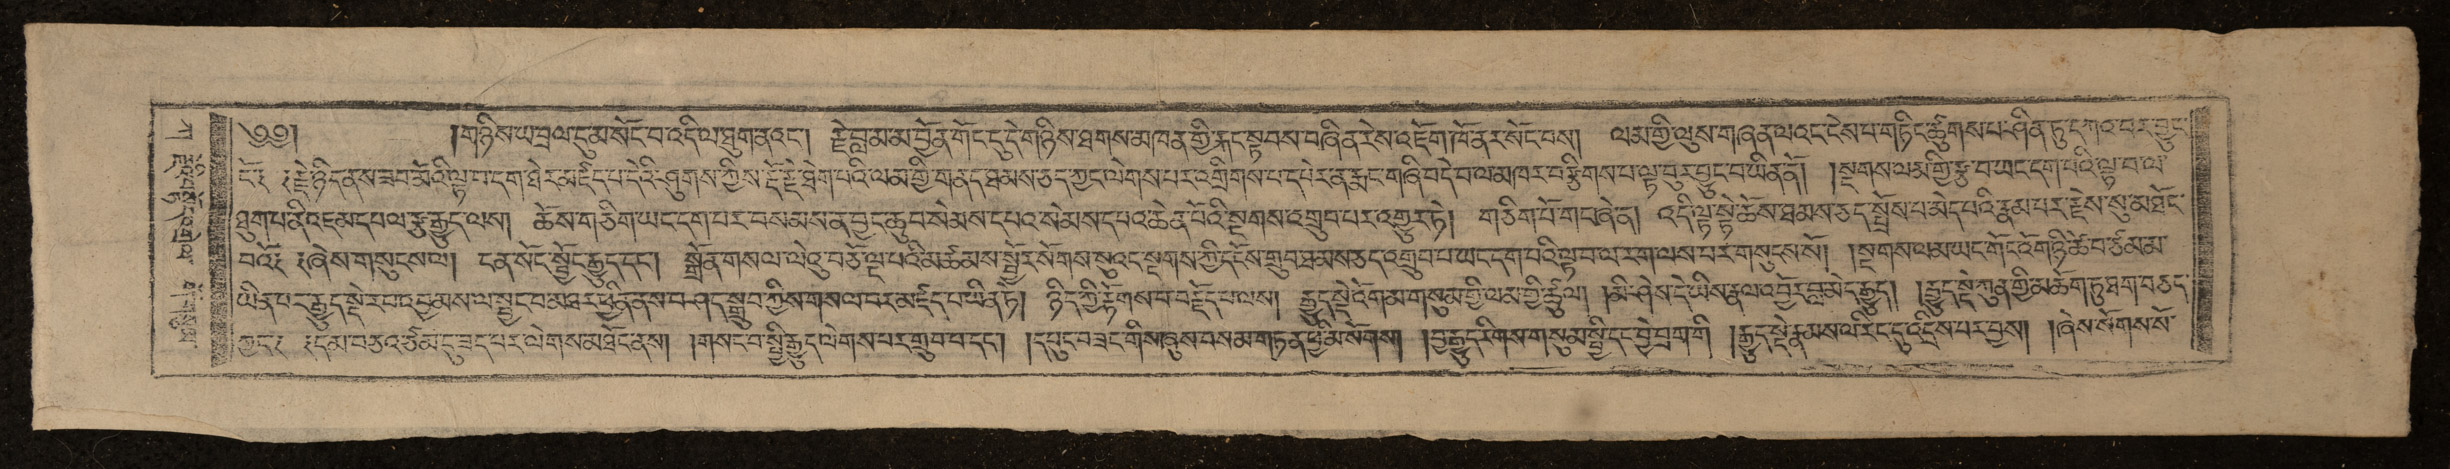༄༅། །གཉིས་ཡ་བྲལ་དུ་མ་སོང་པ་འདི་ལ་ཐུག་ནང་ང་། རྗེ་བླ་མ་མ་བྱོན་གོང་དུ་དེ་གཉིས་ཐགས་མཁན་གྱི་རྐང་སྟབས་བཞིན་རེས་འཇོག་ཁོ་ནར་སོང་བས། ལམ་གྱི་ལུས་གཞན་ལའང་ངེས་པ་གཏིང་ཚུགས་པ་ཤིན་ཏུ་དཀའ་བར་གྱུད་
དེ། །རྗེ་ཉིད་ནས་ཟབ་མོའི་ལྟ་བདག་ཐེར་མཛད་པ་དེའི་ཤུགས་ཀྱིས་རྡོ་རྗེ་ཐེག་པའི་ལམ་གྱི་གནད་ཐམས་ཅད་ཀྱང་ལེགས་པར་འགྲིགས་པ་དཔེར་ན་རྨང་གཞི་བདེ་བ་ལ་མཁར་བརྩིགས་པ་ལྟ་བུར་བྱུང་བ་ཡིན་ནོ། །སྔགས་ལམ་གྱི་རྩ་བ་ཡང་དག་པའི་ལྟ་བ་ལ་
ཐུག་པ་ནི་འཇམ་དཔལ་རྩ་རྒྱུད་ལས། ཆོས་གཅིག་ཡང་དག་པར་བསམས་ན་བྱང་ཆུབ་སེམས་དཔའ་སེམས་དཔའ་ཆེན་པོའི་སྔགས་འགྲུབ་པར་འགྱུར་ཏེ། གཅིག་པོ་གང་ཞེ་ན། འདི་ལྟ་སྟེ་ཆོས་ཐམས་ཅད་སྤྲོས་པ་མེད་པའི་རྣམ་པར་རྗེས་སུ་མཐོང་
བའོ༑ ༑ཞེས་གསུངས་ལ། ངན་སོང་སྦྱོང་རྒྱུད་དང་། སྒྲོན་གསལ་ལེའུ་བཅོ་ལྔ་པའི་མཆམས་སྦྱོར་སོགས་སུའང་སྔགས་ཀྱི་དངོས་གྲུབ་ཐམས་ཅད་འགྲུབ་པ་ཡང་དག་པའི་ལྟ་བ་ལ་རག་ལས་པར་གསུངས་སོ། །སྔགས་ལམ་ཡང་གོང་འོག་ཉི་ཚེ་བ་ཙམ་མ་
ཡིན་པར་རྒྱུད་སྡེ་རབ་འབྱམས་ལ་སྦྱང་པ་མཐར་ཕྱིན་ནས་བཤད་སྒྲུབ་ཀྱིས་གསལ་བར་མཛད་པ་ཡིན་ཏེ། ཉིད་ཀྱི་རྟོགས་པ་བརྗོད་པ་ལས། རྒྱུད་སྡེ་འོག་མ་གསུམ་གྱི་ལམ་གྱི་ཚུལ། །མི་ཤེས་དེ་ཡིས་རྣལ་འབྱོར་བླ་མེད་རྒྱུད། །རྒྱུད་སྡེ་ཀུན་གྱི་མཆོག་ཏུ་ཐག་བཅད་
ཀྱང༑ ༑དམ་བཅའ་ཙམ་དུ་ཟད་བར་ལེགས་མཐོང་ནས། །གསང་བ་སྤྱི་རྒྱུད་ལེགས་པར་གྲུབ་པ་དང་། །དཔུང་བཟང་གིས་ཞུས་བསམ་གཏན་ཕྱི་མ་སོགས། །བྱ་རྒྱུད་རིགས་གསུམ་སྤྱི་དང་བྱེ་བྲག་གི །རྒྱུད་སྡེ་རྣམས་ལ་རིང་དུ་འདྲིས་པར་བྱས། །ཞེས་སོགས་སོ་